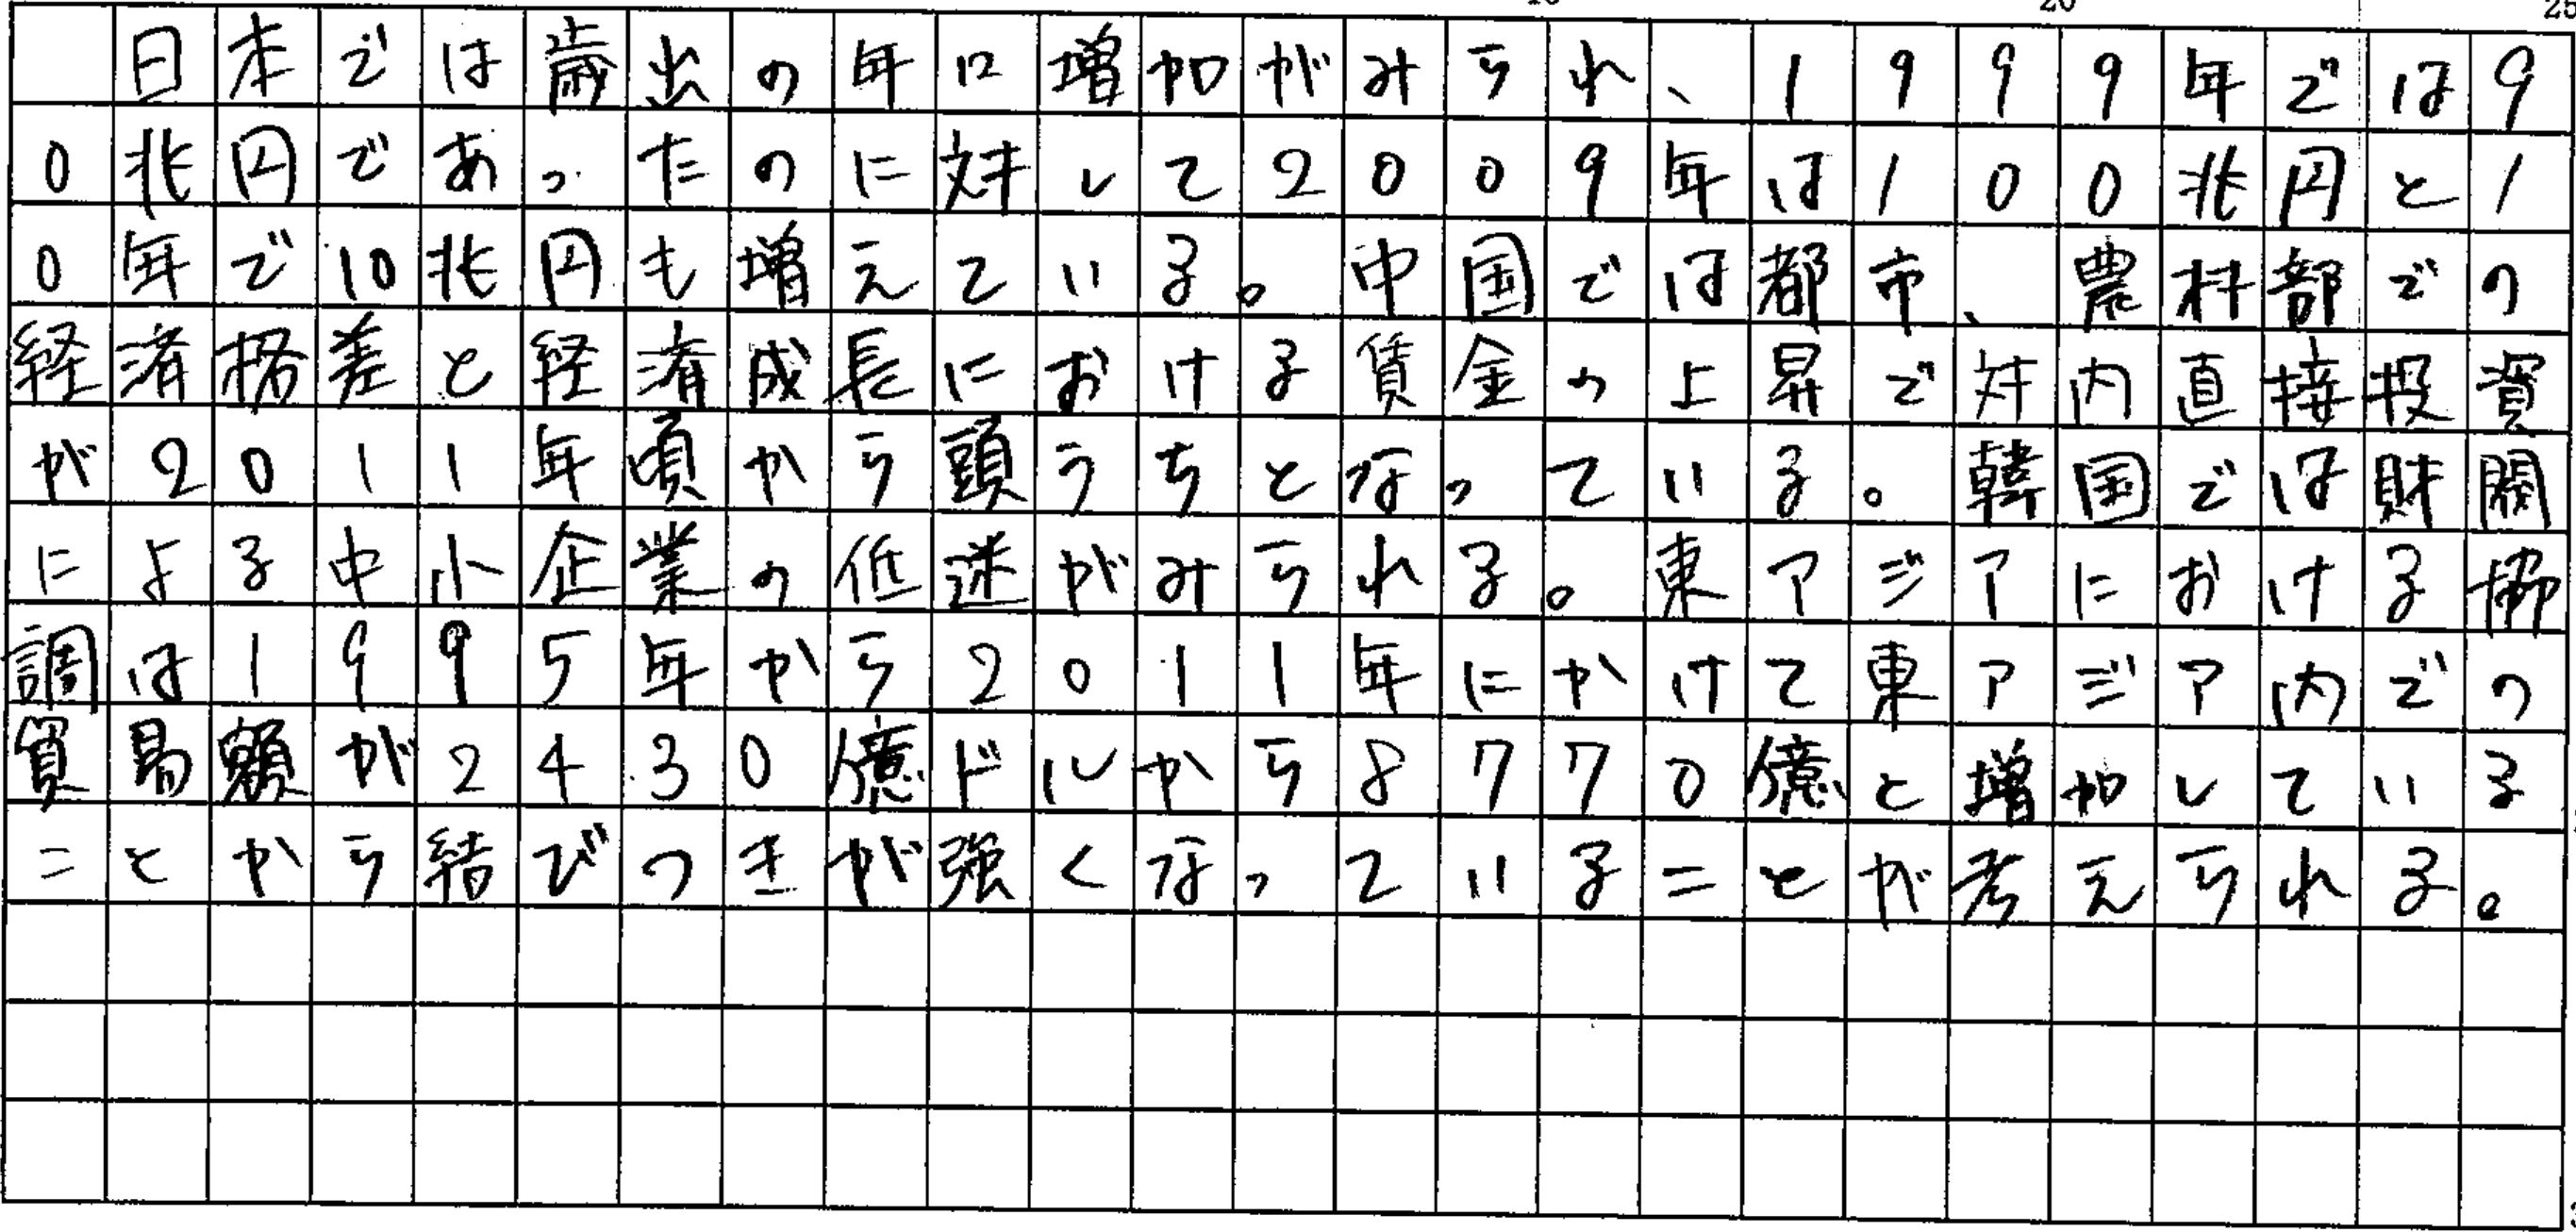　日本では歳出の年々増加がみられ、１９９９年では９０兆円であったのに対して２００９年は１００兆円と１０年で10兆円も増えている。中国では都市、農村部での経済格差と経済成長における賃金の上昇で対内直接投資が２０１１年頃から頭うちとなっている。韓国では財閥による中小企業の低迷がみられる。東アジアにおける協調は１９９５年から２０１１年にかけて東アジア内での貿易額が２４３０億ドルから８７７０億と増加していることから結びつきが強くなっていることが考えられる。
